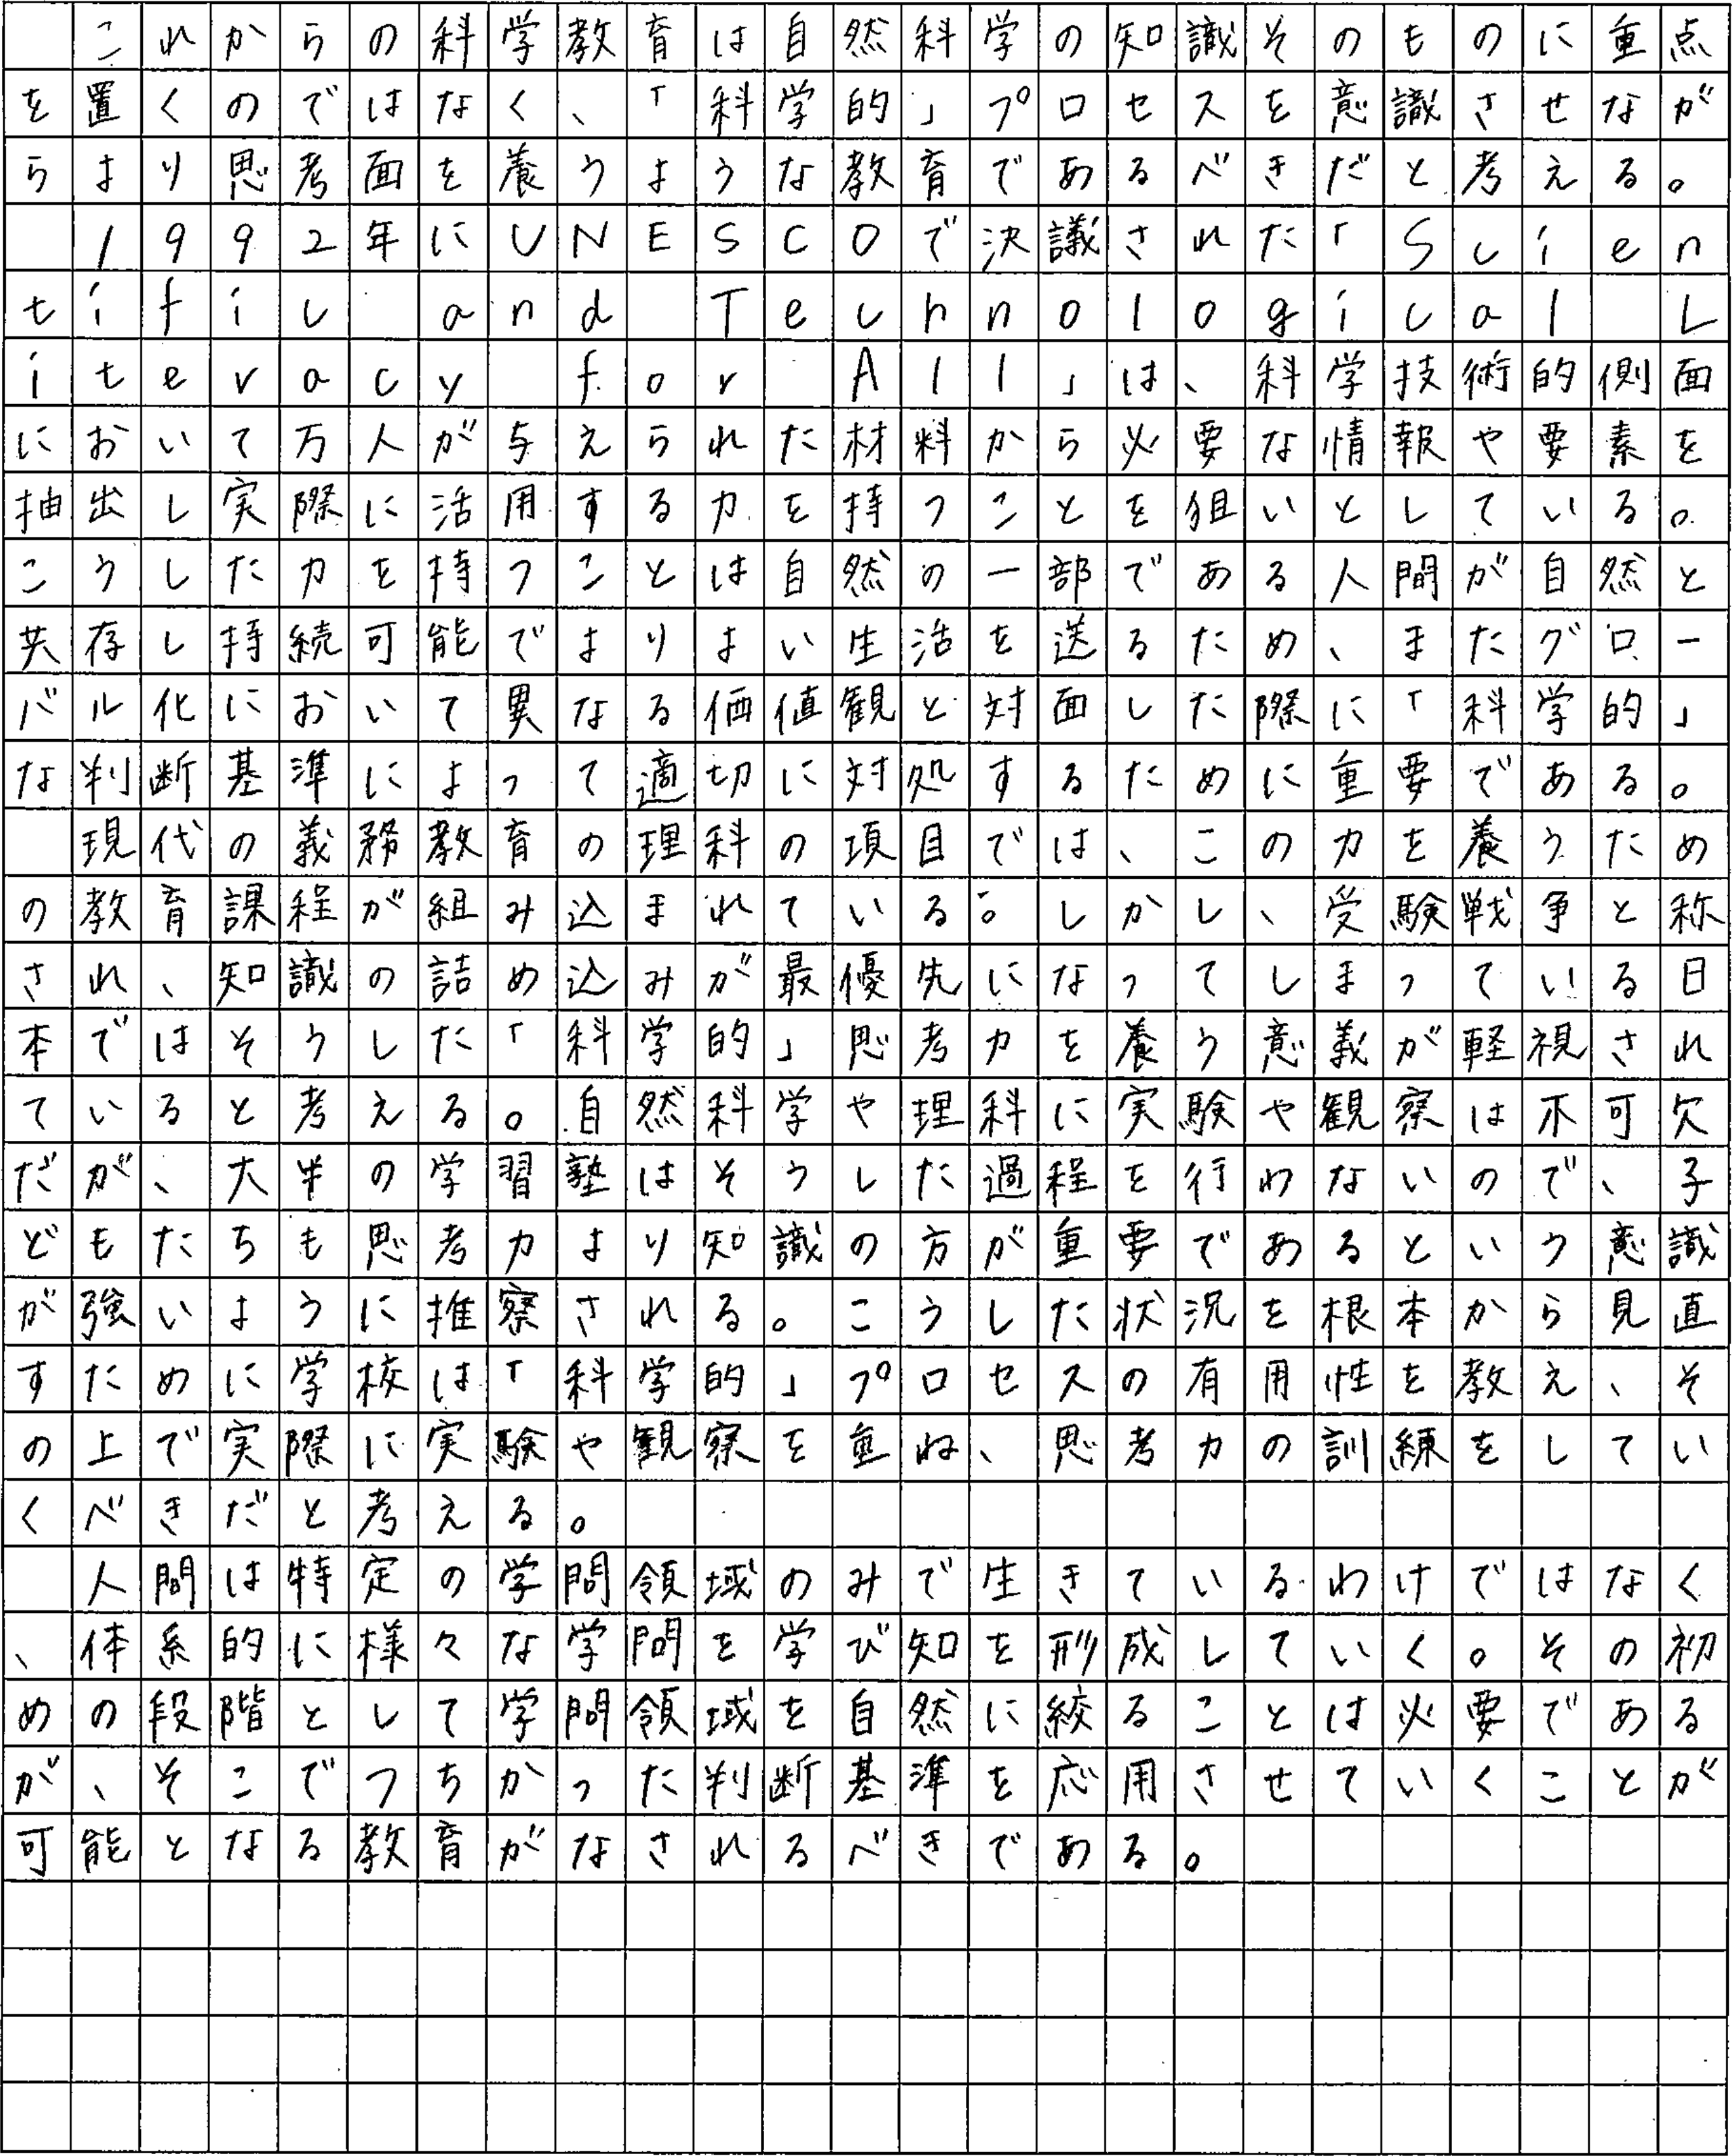　これからの科学教育は自然科学の知識そのものに重点を置くのではなく、「科学的」プロセスを意識させながらより思考面を養うような教育であるべきだと考える。
　１９９２年にＵＮＥＳＣＯで決議された「Ｓｃｉｅｎｔｉｆｉｃ　ａｎｄ　Ｔｅｃｈｎｏｌｏｇｉｃａｌ　Ｌｉｔｅｒａｃｙ　ｆｏｒ　Ａｌｌ」は、科学技術的側面において万人が与えられた材料から必要な情報や要素を抽出し実際に活用する力を持つことを狙いとしている。こうした力を持つことは自然の一部である人間が自然と共存し持続可能でよりよい生活を送るため、またグローバル化において異なる価値観と対面した際に「科学的」な判断基準によって適切に対処するために重要である。
　現代の義務教育の理科の項目では、この力を養うための教育課程が組み込まれている。しかし、受験戦争と称され、知識の詰め込みが最優先になってしまっている日本ではそうした「科学的」思考力を養う意義が軽視されていると考える。自然科学や理科に実験や観察は不可欠だが、大半の学習塾はそうした過程を行わないので、子どもたちも思考力より知識の方が重要であるという意識が強いように推察される。こうした状況を根本から見直すために学校は「科学的」プロセスの有用性を教え、その上で実際に実験や観察を重ね、思考力の訓練をしていくべきだと考える。
　人間は特定の学問領域のみで生きているわけではなく、体系的に様々な学問を学び知を形成していく。その初めの段階として学問領域を自然に絞ることは必要であるが、そこでつちかった判断基準を応用させていくことが可能となる教育がなされるべきなのである。
